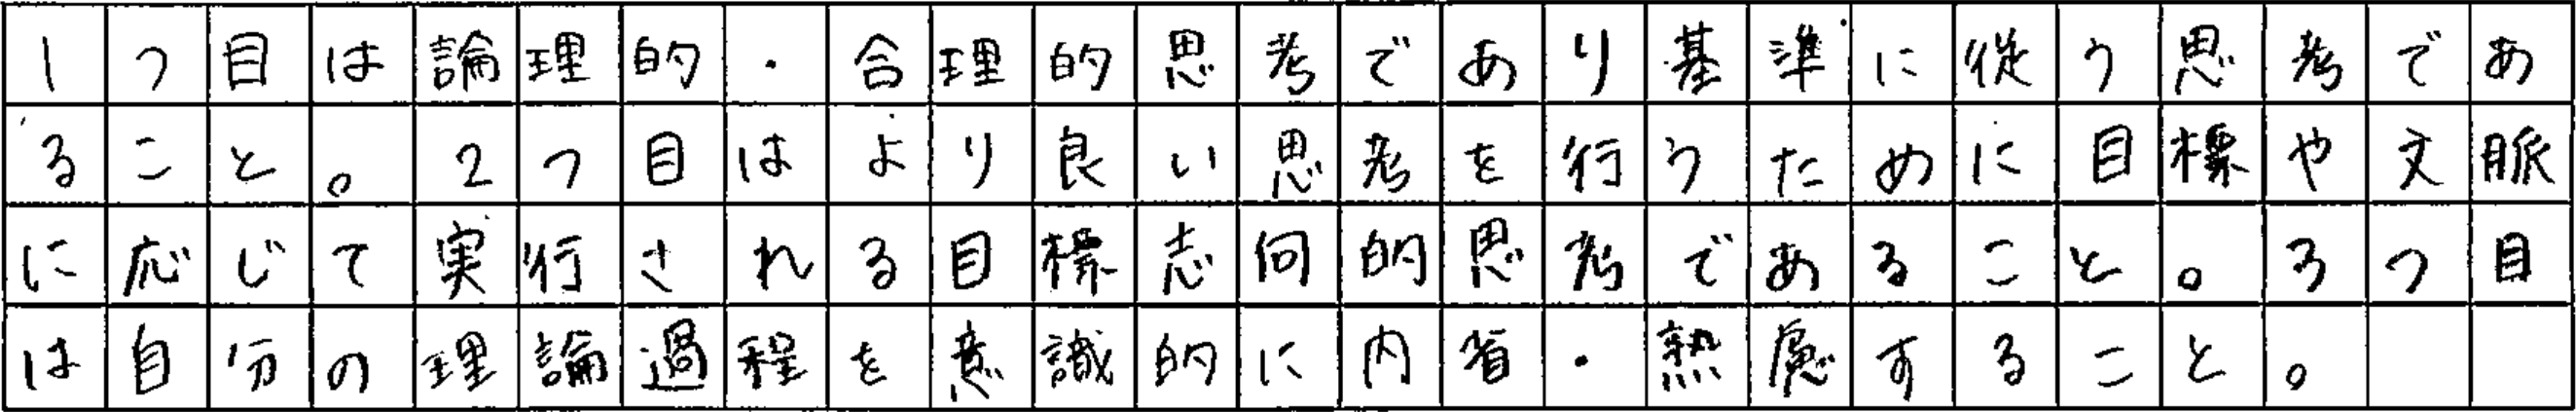１つ目は論理的・合理的思考であり基準に従う思考であること。２つ目はより良い思考を行うために目標や文脈に応じて実行される目標志向的思考であること。３つ目は自分の理論過程を意識的に内省・熟慮すること。
